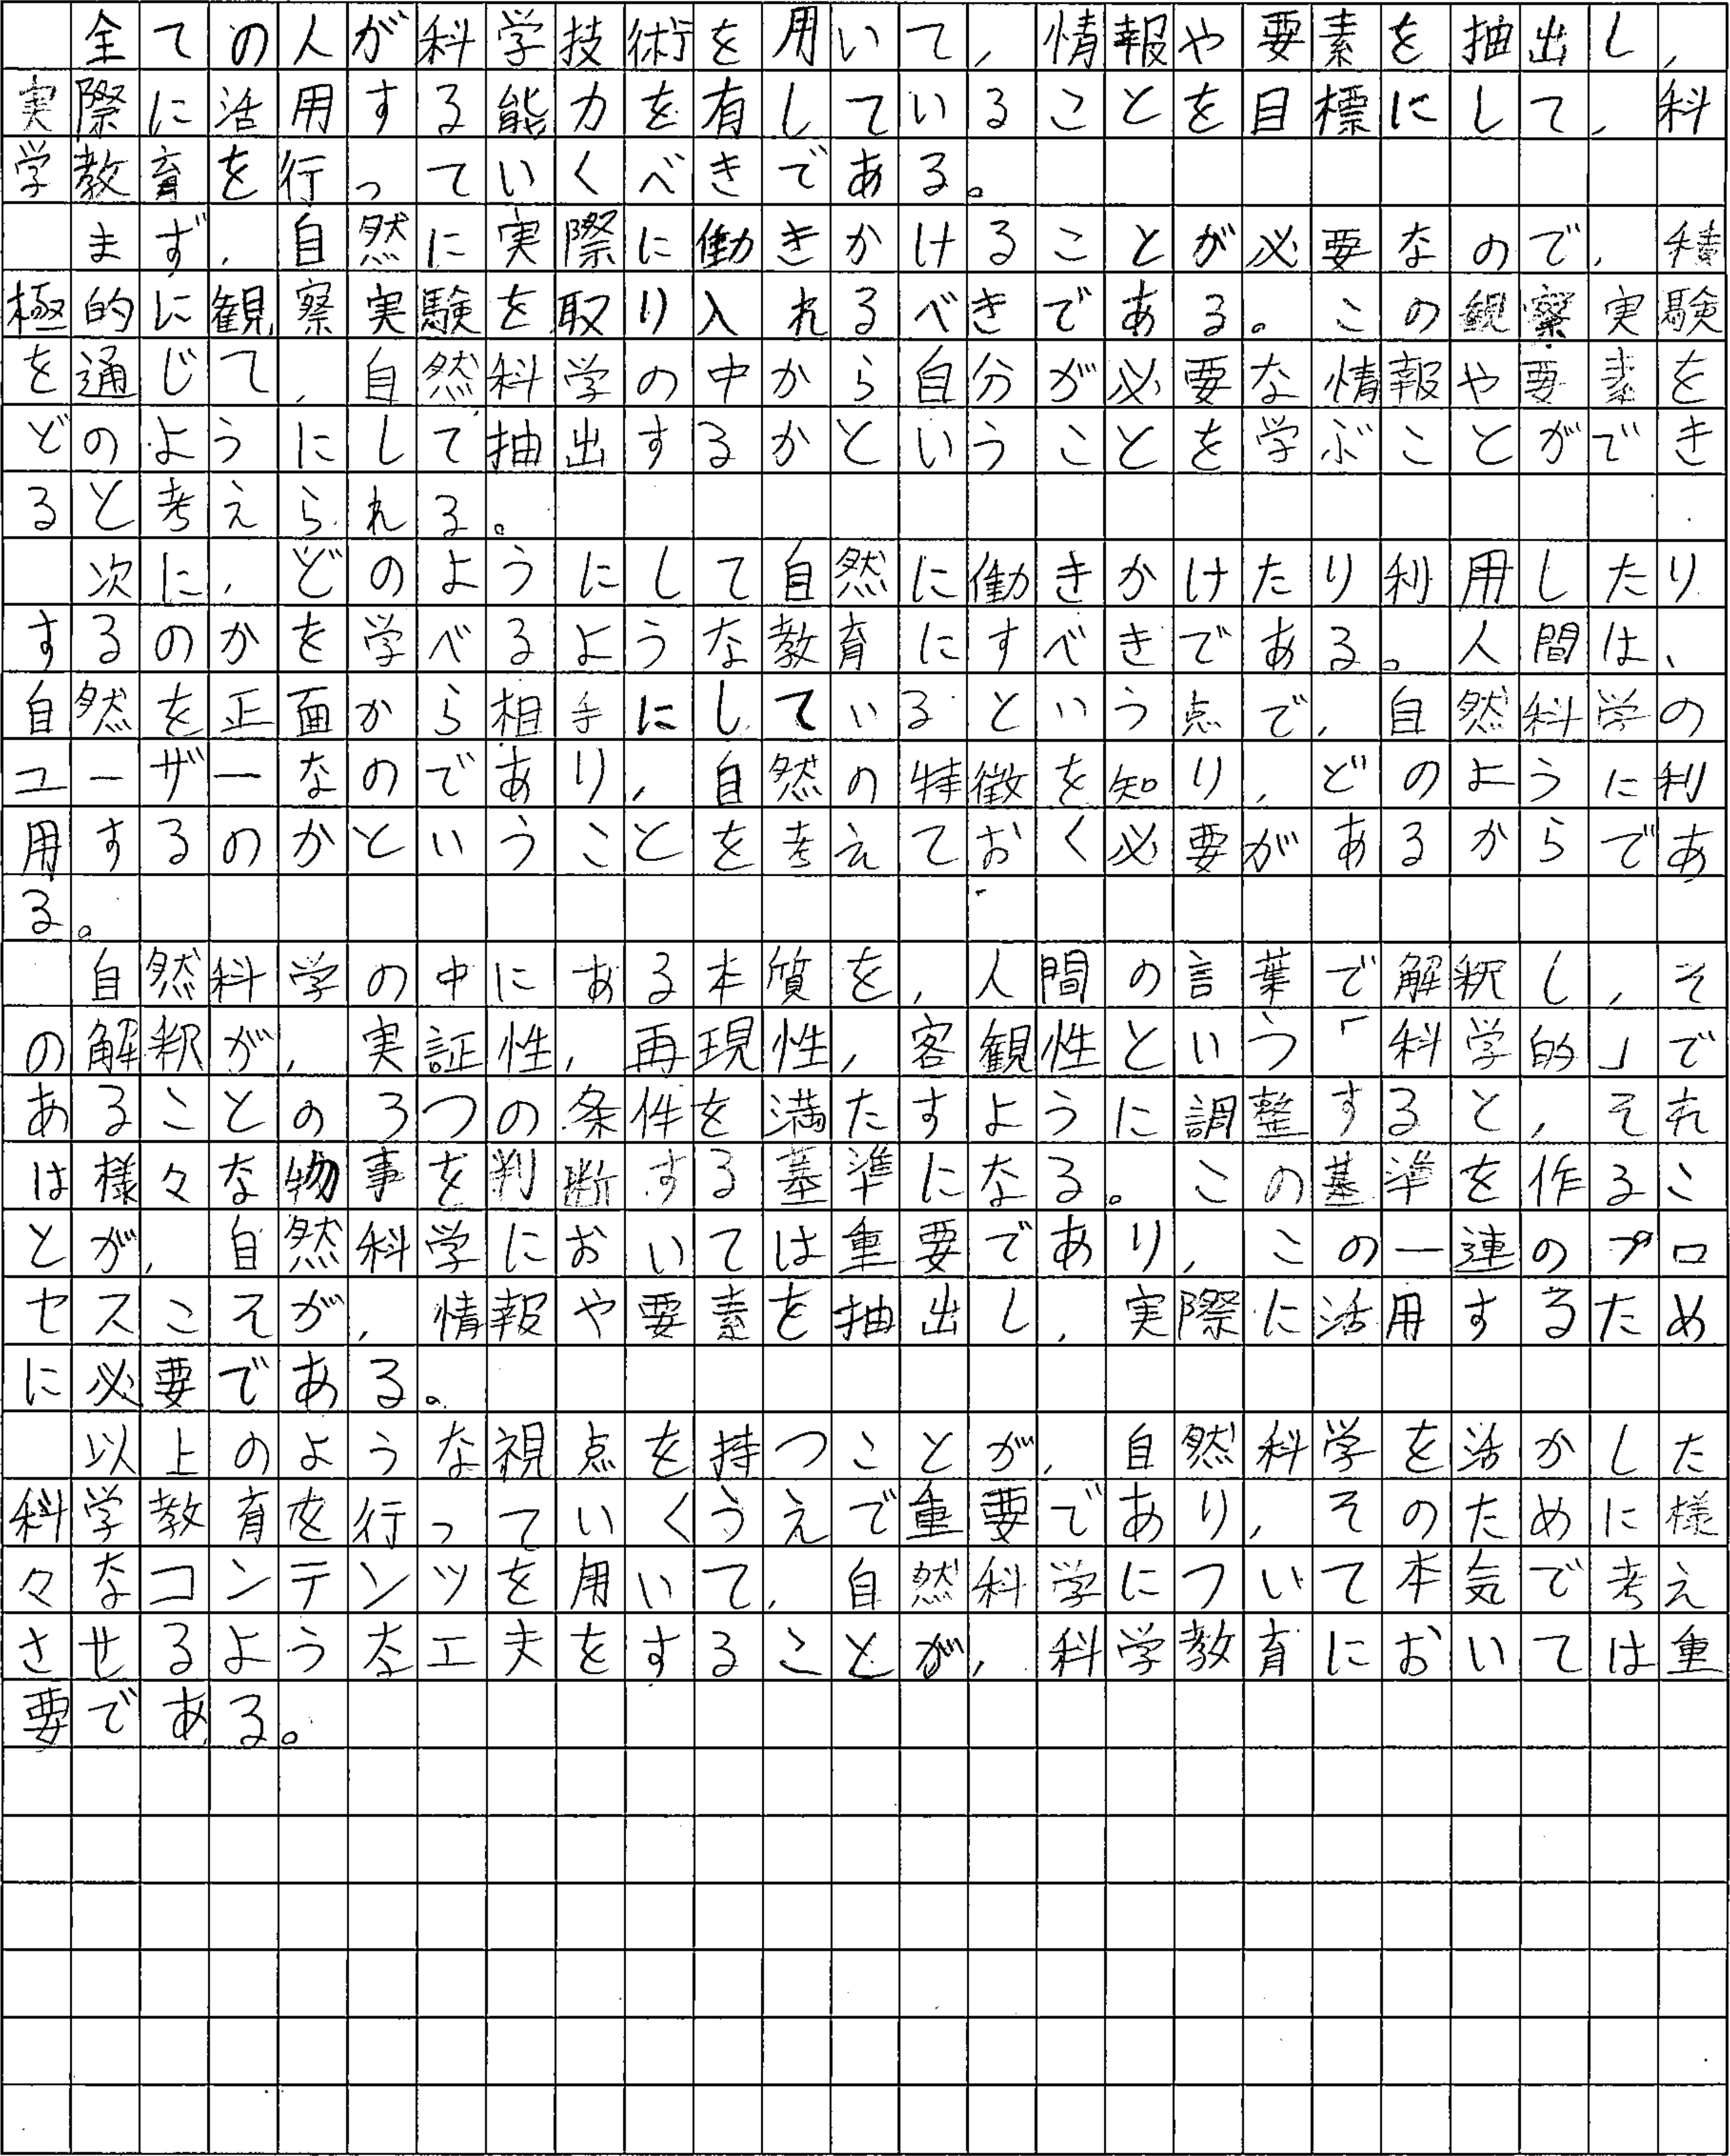　全ての人が科学技術を用いて、情報や要素を抽出し、実際に活用する能力を有していることを目標にして、科学教育を行っていくべきである。
　まず、自然に実際に働きかけることが必要なので、積極的に観察実験を取り入れるべきである。この観察実験を通じて、自然科学の中から自分が必要な情報や要素をどのようにして抽出するかということを学ぶことができると考えられる。
　次に、どのようにして自然に働きかけたり利用したりするのかを学べるような教育にすべきである。人間は、自然を正面から相手にしているという点で、自然科学のユーザーなのであり、自然の特徴を知り、どのように利用するのかということを考えておく必要があるからである。
　自然科学の中にある本質を、人間の言葉で解釈し、その解釈が、実証性、再現性、客観性という「科学的」であることの３つの条件を満たすように調整すると、それは様々な物事を判断する基準になる。この基準を作ることが、自然科学においては重要であり、この一連のプロセスこそが、情報や要素を抽出し、実際に活用するために必要である。
　以上のような視点を持つことが、自然科学を活かした科学教育を行っていくうえで重要であり、そのために様々なコンテンツを用いて、自然科学について本気で考えさせるような工夫をすることが、科学教育においては重要である。
